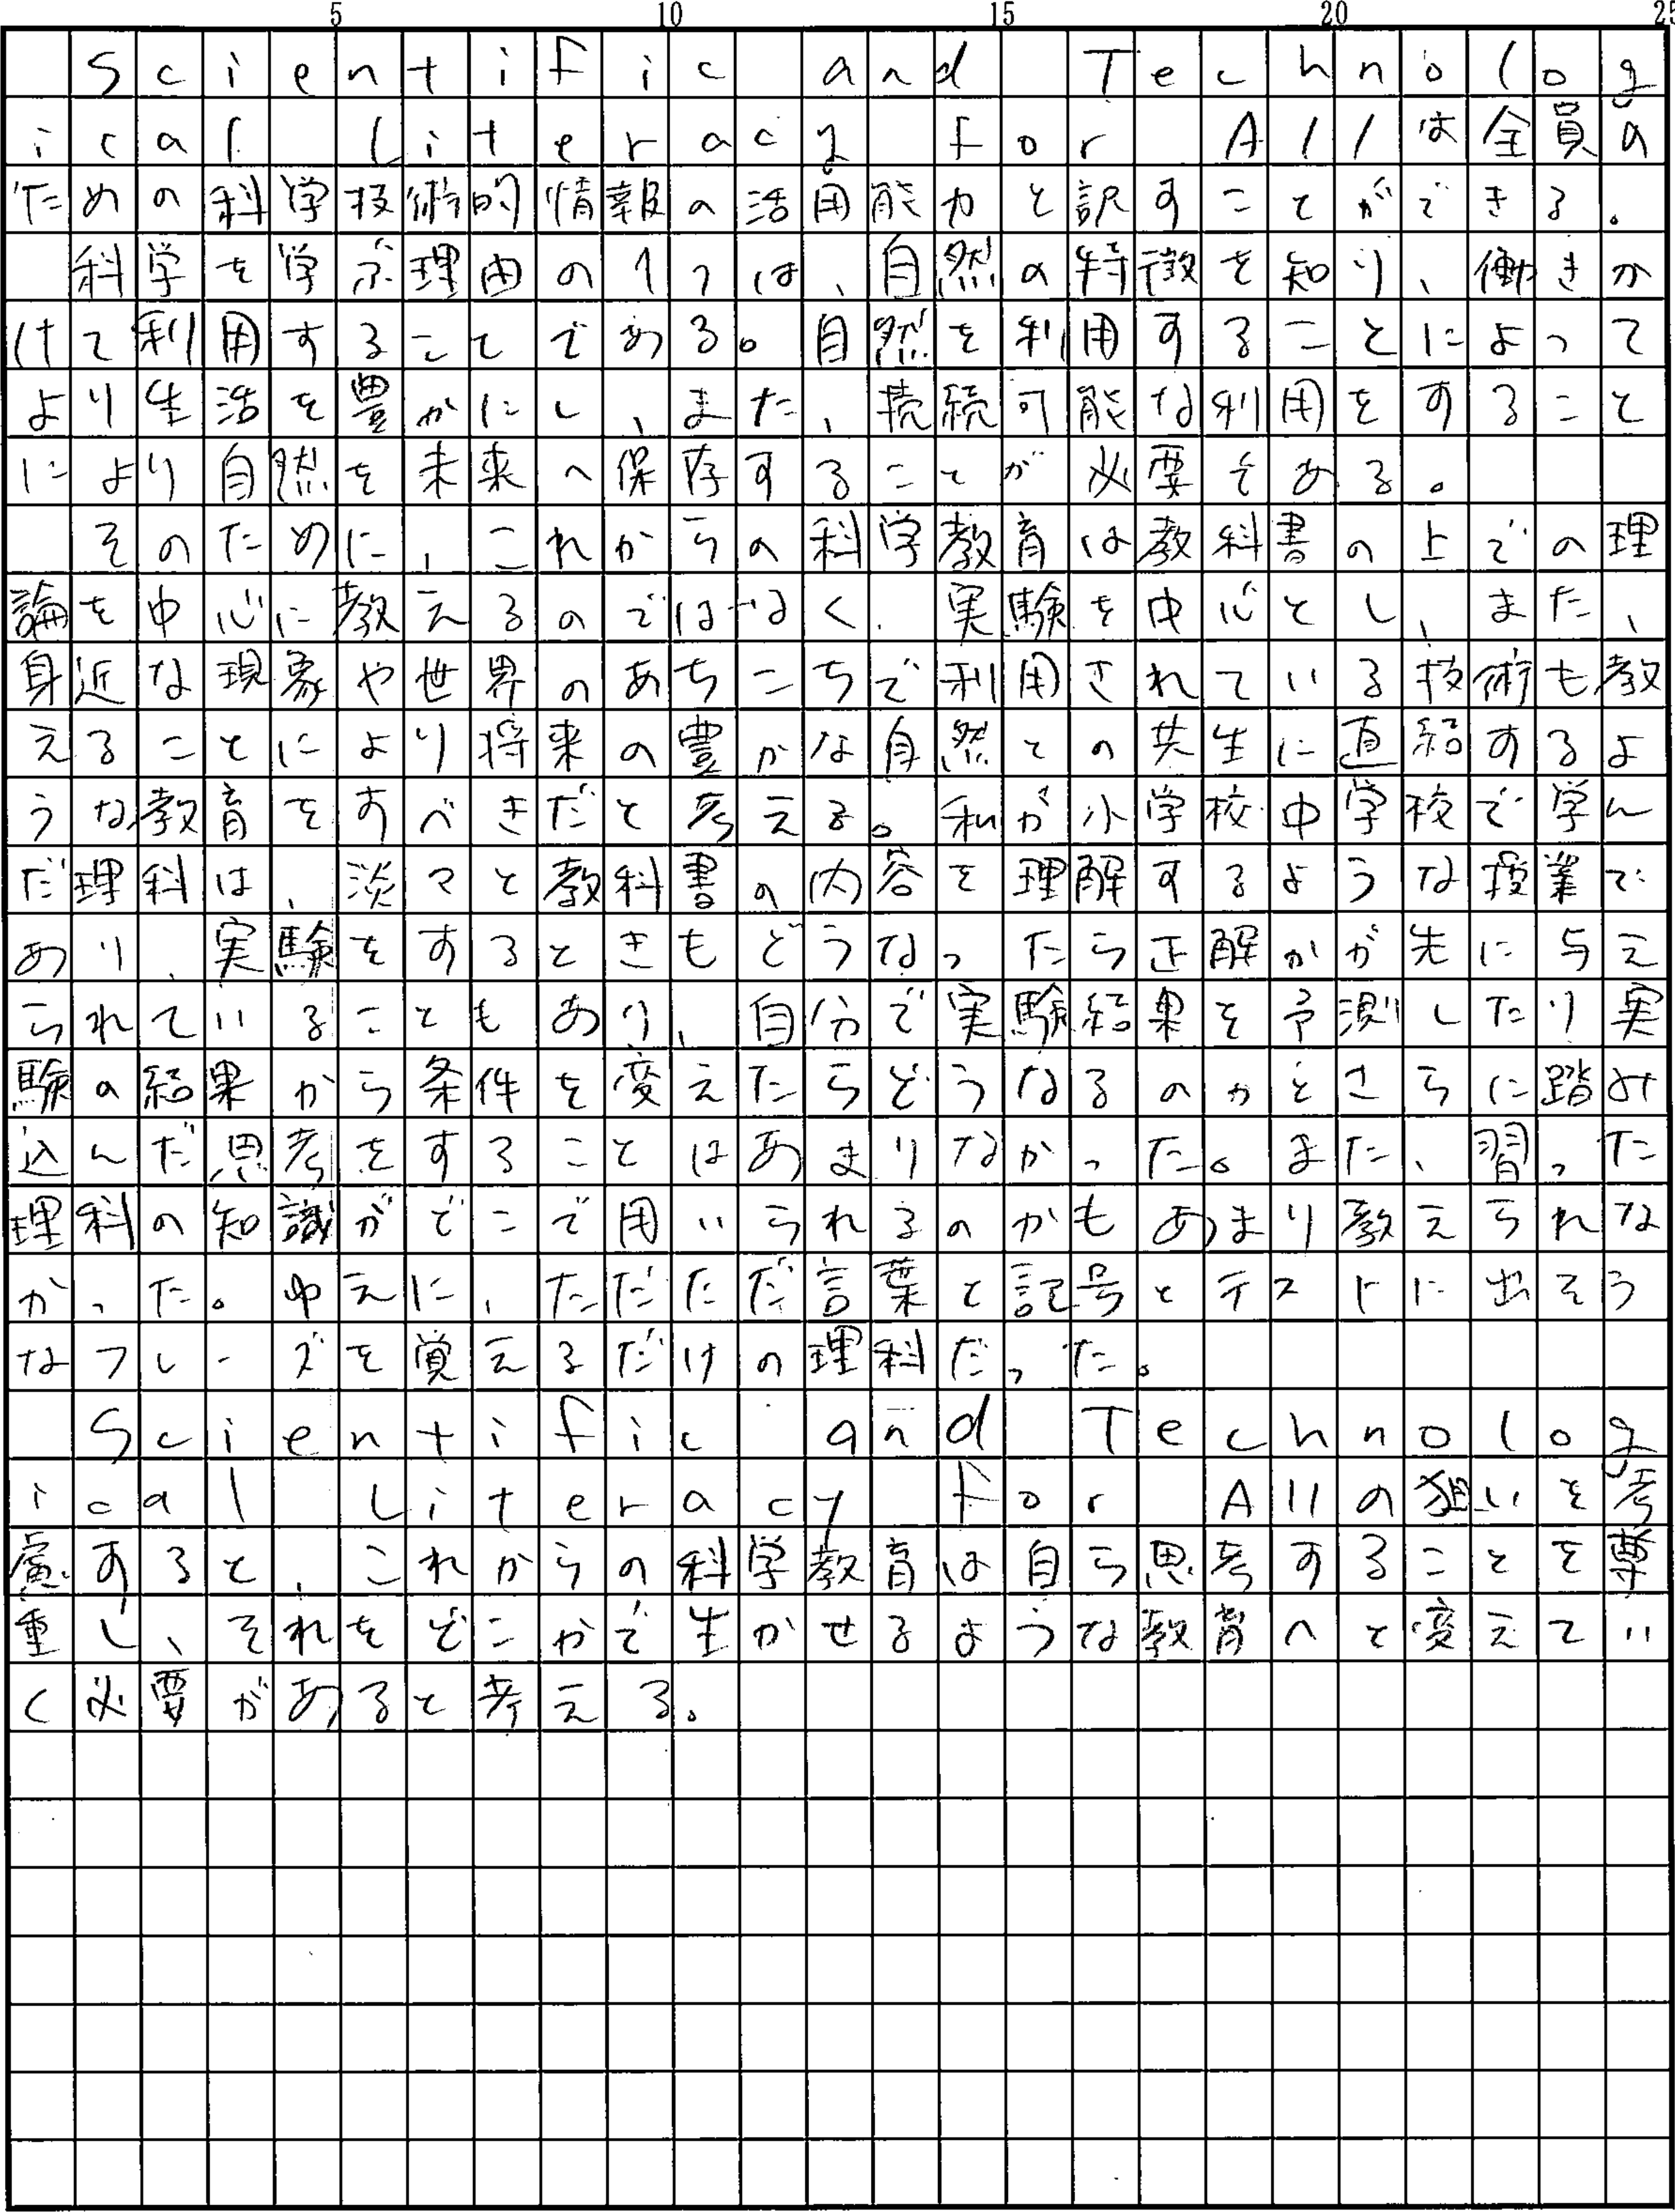　Ｓｃｉｅｎｔｉｆｉｃ　ａｎｄ　Ｔｅｃｈｎｏｌｏｇｉｃａｌ　Ｌｉｔｅｒａｃｙ　ｆｏｒ　Ａｌｌは全員のための科学技術的情報の活用能力と訳すことができる。
　科学を学ぶ理由の１つは、自然の特徴を知り、働きかけて利用することである。自然を利用することによってより生活を豊かにし、また、▁続可能な利用をすることにより自然を未来へ保存することが必要である。
　そのために、これからの科学教育は教科書の上での理論を中心に教えるのではなく、実験を中心とし、また、身近な現象や世界のあちこちで利用されている技術も教えることにより将来の豊かな自然との共生に直結するような教育をすべきだと考える。私が小学校中学校で学んだ理科は、淡々と教科書の内容を理解するような授業であり、実験をするときもどうなったら正解かが先に与えられていることもあり、自分で実験結果を予測したり実験の結果から条件を変えたらどうなるのかとさらに踏み込んだ思考をすることはあまりなかった。また、習った理科の知識がどこで用いられるのかもあまり教えられなかった。ゆえに、ただただ言葉と記号とテストに出そうなフレーズを覚えるだけの理科だった。
　Ｓｃｉｅｎｔｉｆｉｃ　ａｎｄ　Ｔｅｃｈｎｏｌｏｇｉｃａｌ　Ｌｉｔｅｒａｃｙ　ｆｏｒ　Ａｌｌの狙いを考慮すると、これからの科学教育は自ら思考することを尊重し、それをどこかで生かせるような教育へと変えていく必要があると考える。
